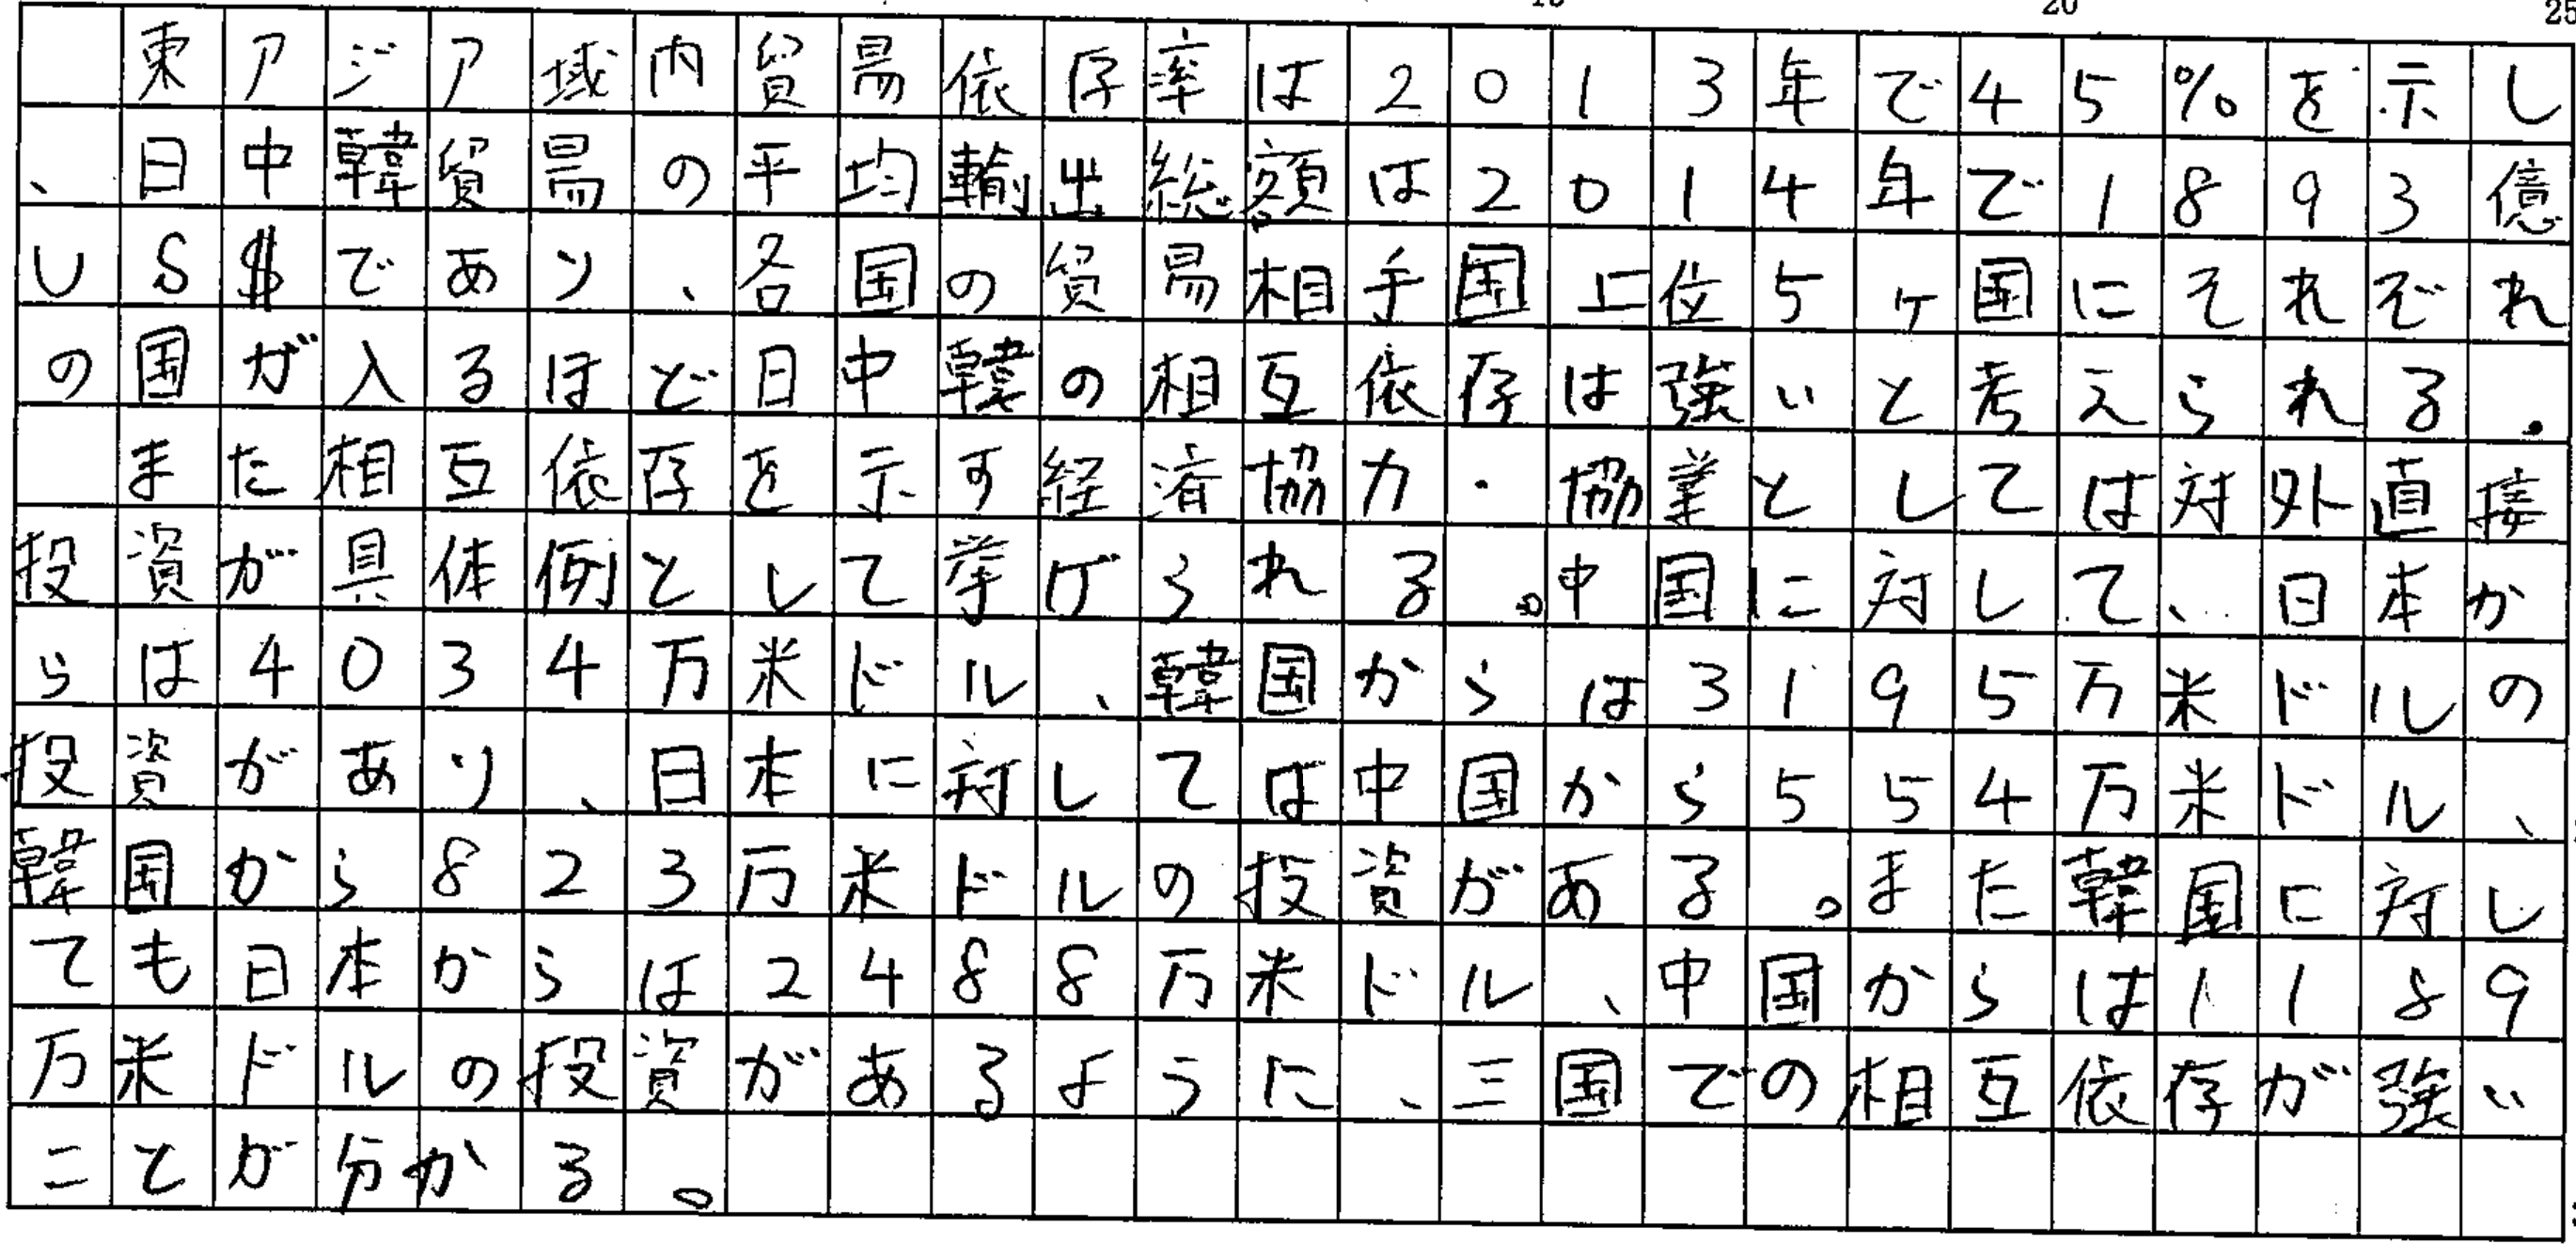　東アジア域内貿昜依存率は２０１３年で４５％を示し、日中韓貿昜の平均輸出総額は２０１４年で１８９３億ＵＳ＄であり、各国の貿易相手国上位５ヶ国にそれぞれの国が入るほど日中韓の相互依存は強いと考えられる。
　また相互依存を示す経済協力・協業としては対外直接投資が具体例として挙げられる。中国に対して、日本からは４０３４万米ドル、韓国からは３１９５万米ドルの投資があり、日本に対しては中国から５５４万米ドル、韓国から８２３万米ドルの投資がある。また韓国に対しても日本からは２４８８万米ドル、中国からは１１８９万米ドルの投資があるように、三国での相互依存が強いことが分かる。
